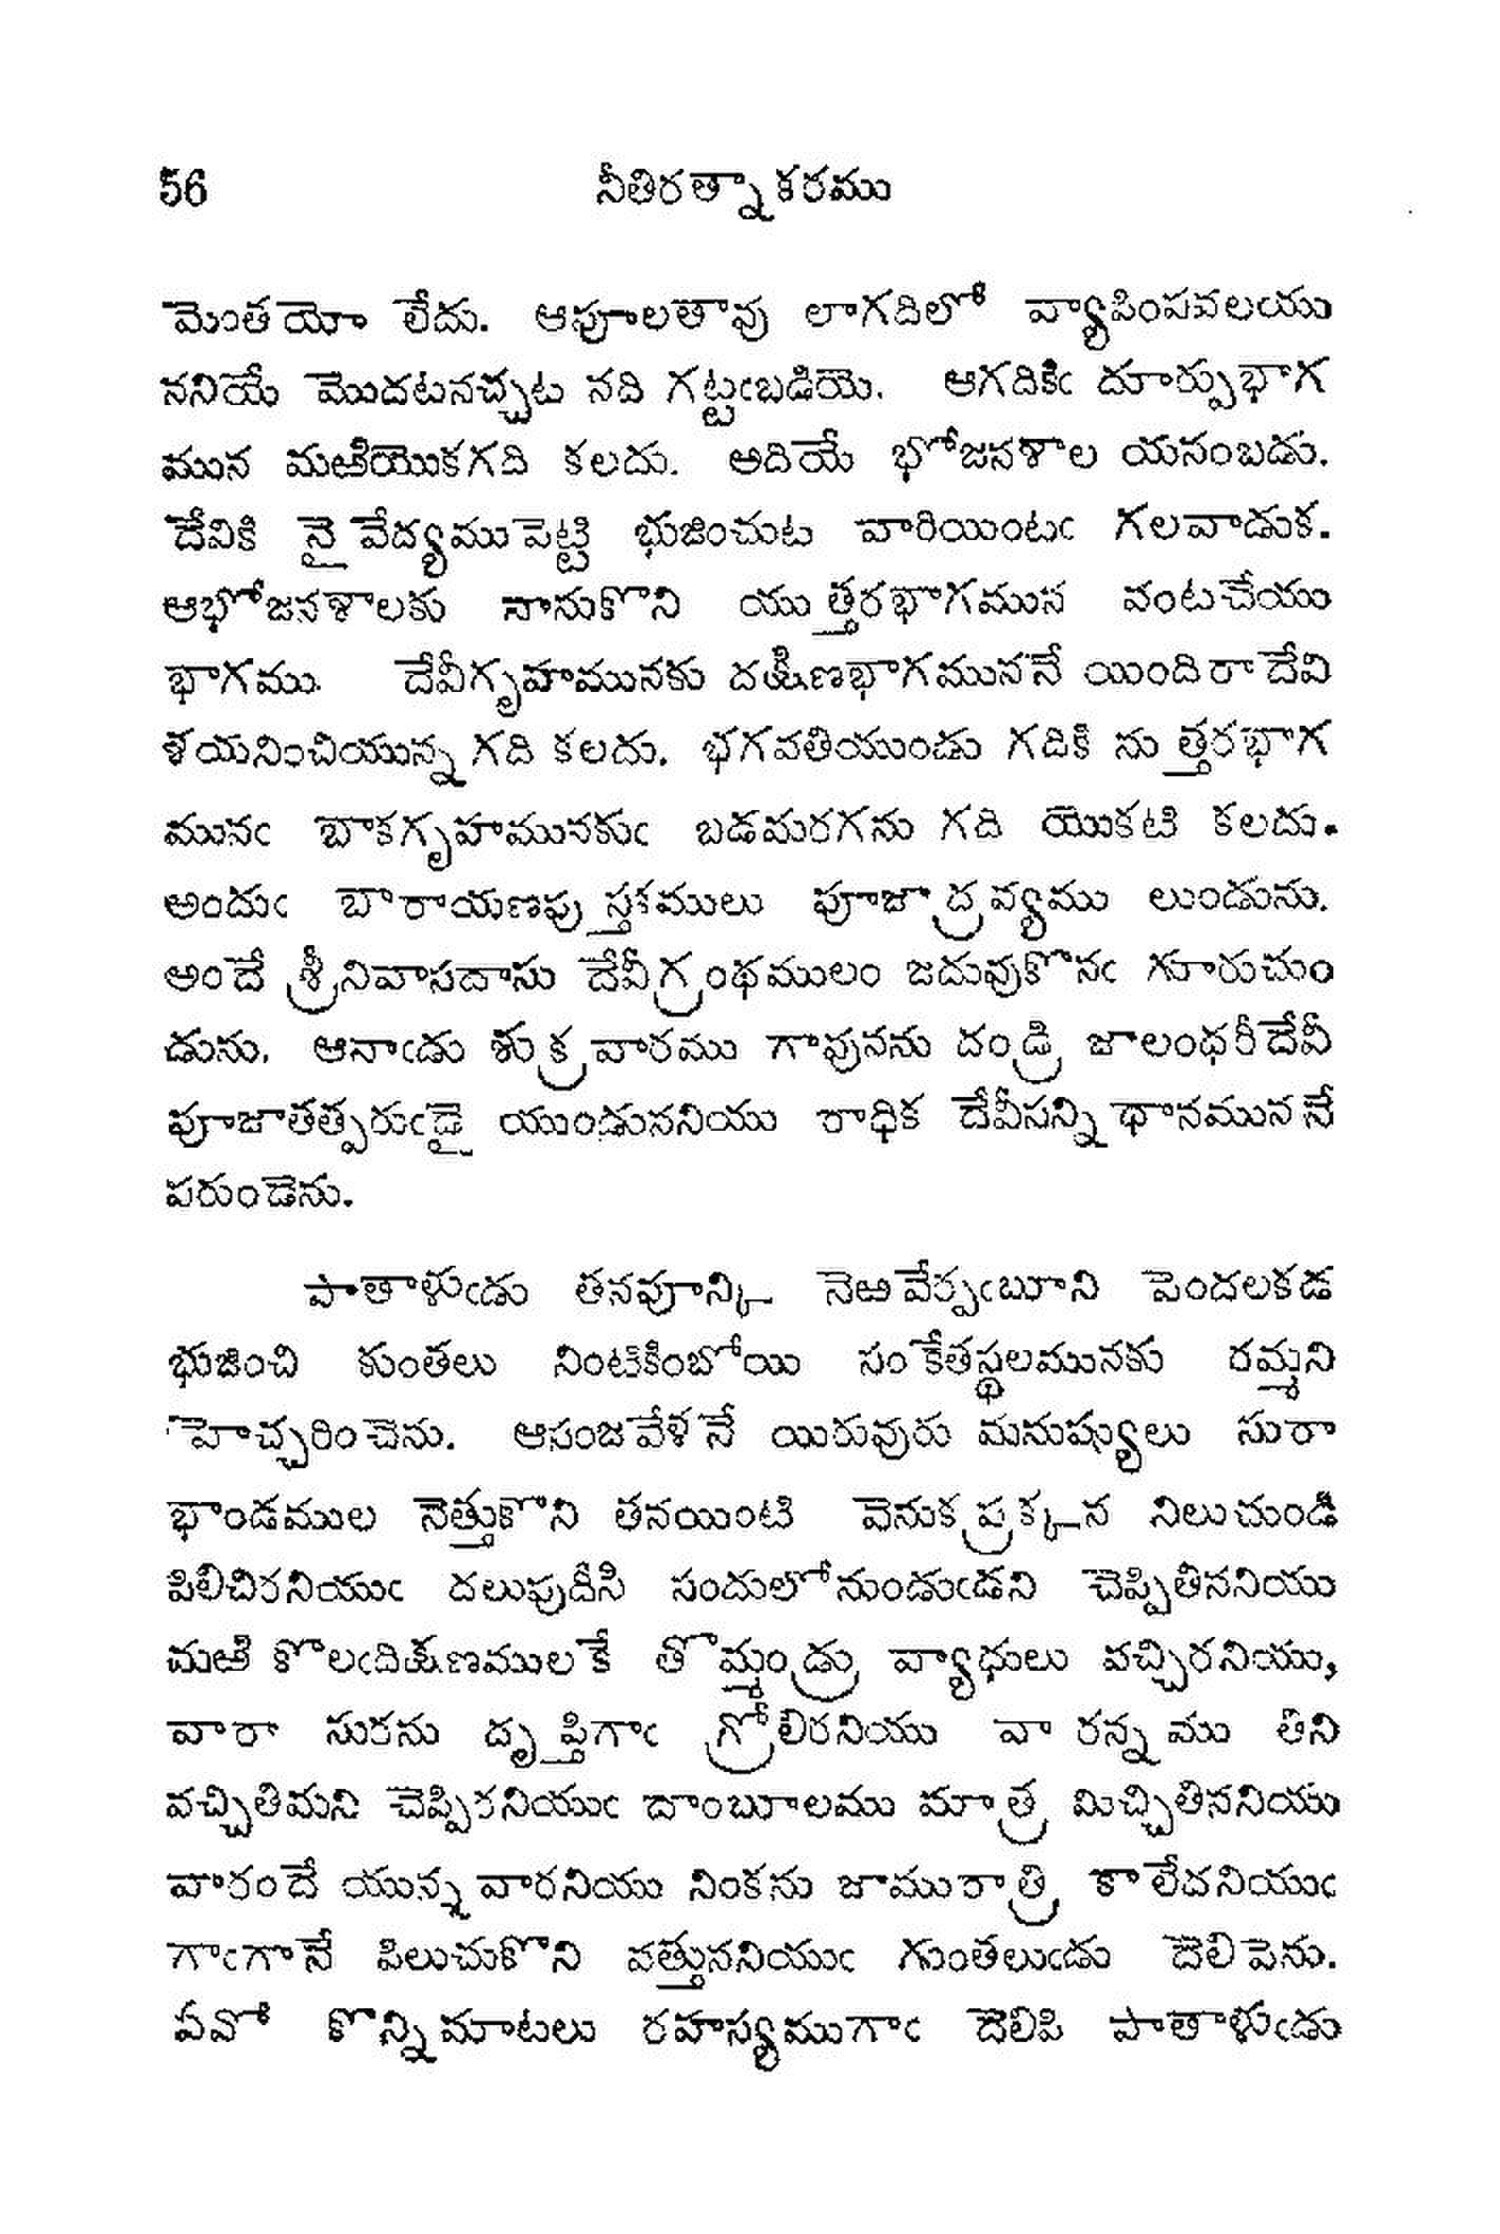మెంతయో లేదు. ఆపూలతావు లాగదిలో వ్యాపింపవలయు ననియే మొదటనచ్చట నది గట్టఁబడియె. ఆగదికిఁ దూర్పుభాగ మున మఱియొక గది కలదు. అదియే భోజనశాల యనంబడు. దేవికి నైవేద్యము పెట్టి భుజించుట వారియింటఁ గలవాడుక. ఆభోజనశాలకు నానుకొని యుత్తరభాగమున వంటచేయు
భాగము. దేవీగృహమునకు దక్షిణ భాగముననే యిందిరా దేవి శయనించియున్న గది కలదు. భగవతియుండు గదికి నుత్తరభాగమునఁ బాకగృహమునకుఁ బడమరగను గది యొకటి కలదు. అందుఁ బారాయణపుస్తకములు పూజాద్రవ్యము లుండును. అందే శ్రీనివాసదాసు దేవీగ్రంథములం జదువుకొనఁ గూరుచుం డును. ఆనాఁడు శుక్రవారము గావునను దండ్రి,జాలంధరీదేవీ పూజాతత్పరుఁడై యుండుననియు రాధిక దేవీసన్నిథానముననే పరుండెను.

పాతాళుఁడు తనవూన్కి నెఱవేర్పఁబూని పెందలకడ భుజించి కుంతలు నింటికింబోయి సంకేతస్థలమునకు రమ్మని హెచ్చరించెను. ఆసంజవేళనే యిరువురు మనుష్యులు సురాభాండముల నెత్తుకొని తనయింటి వెనుక ప్రక్కన నిలుచుండి పిలిచిరనియుఁ దలుపుదీసి సందులోనుండుఁడని చెప్పితిననియు మఱి కొలఁదిక్షణములకే తొమ్మండ్రు, వ్యాధులు వచ్చిరనియు, వారా సురను దృప్తిగాఁ గ్రోలిరనియు వారన్నము తిని వచ్చితిమని చెప్పి రనియుఁ దాంబూలము మాత్ర మిచ్చితిననియు వారందే యున్న వారనియు నింకను జాము రాత్రి, కాలేదనియుఁ గాఁగానే పిలుచుకొని వత్తుననియుఁ గుంతలుఁడు దెలిపెను. ఏవో కొన్ని మాటలు రహస్యముగాఁ దెలిపి పాతాళుఁడు